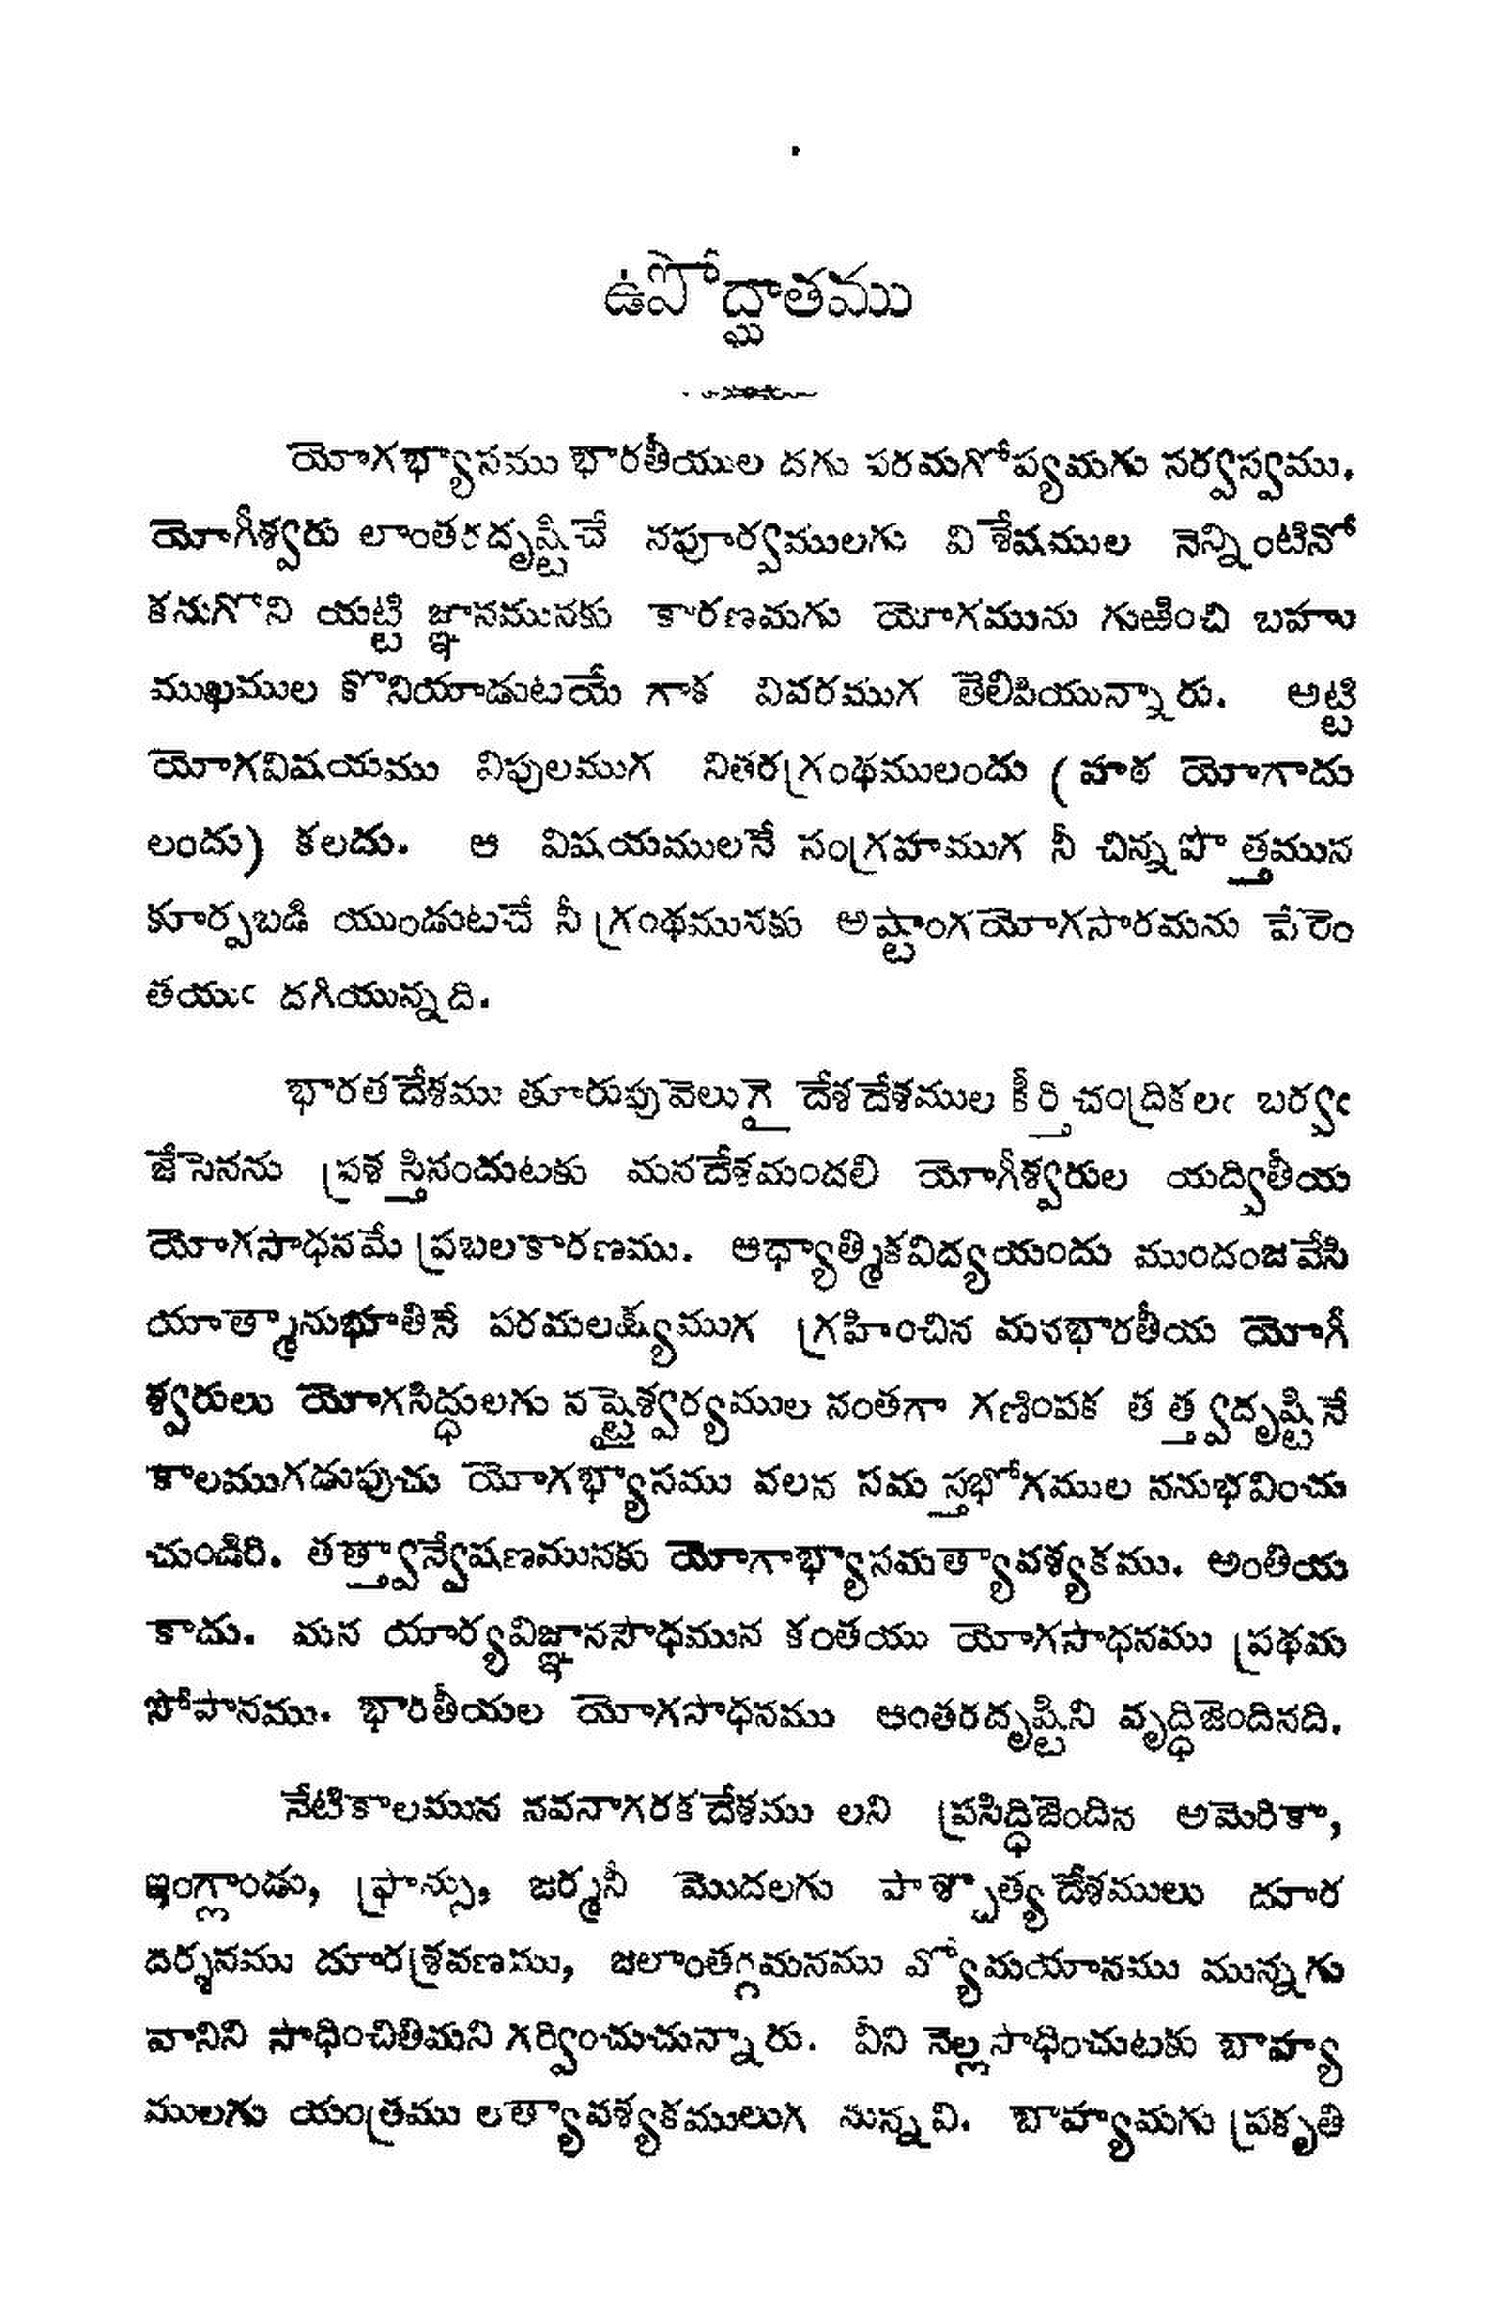ఉపోద్ఘాతము

యోగభ్యాసము భారతీయుల దగు పరమగోప్యమగు సర్వస్వము. యోగీశ్వరు లాంతరదృష్టిచే నపూర్వములగు విశేషముల నెన్నింటినో కనుగొని యట్టిజ్ఞానమునకు కారణమగు యోగమును గుఱించి బహుముఖముల కొనియాడుటయే గాక వివరముగ తెలిపియున్నారు. అట్టియోగవిషయము విపులముగ నితరగ్రంథములందు (హఠయోగాదులందు) కలదు.
ఆ విషయములనే సంగ్రహముగ నీచిన్నపొత్తమున కూర్పబడి యుండుటచే నీగ్రంథమునకు అష్టాంగయోగసారమను పేరెంతయుఁ దగియున్నది.

భారతదేశము తూరుపువెలుగై దేశదేశముల కీర్తిచంద్రికలఁ బర్వఁజేసెనను ప్రశస్తి నందుటకు మనదేశమందలి యోగీశ్వరుల యద్వితీయయోగసాధనమే ప్రబలకారణము. ఆధ్యాత్మికవిద్యయందు ముందంజ వేసి యాత్మానుభూతినే పరమలక్ష్యముగ గ్రహించిన మనభారతీయయోగీశ్వరులు యోగసిద్ధులగు నష్టైశ్వర్యముల నంతగా గణింపక తత్త్వదృష్టినే కాలము గడుపుచు యోగభ్యాసమువలన సమస్తభోగముల ననుభవించుచుండిరి. తత్త్వాన్వేషణమునకు యోగాభ్యాస మత్యావశ్యకము. అంతియ కాదు. మన యార్యవిజ్ఞానసౌధమున కంతయు యోగసాధనము ప్రథమసోపానము. భారతీయుల యోగసాధనము అంతరదృష్టిని వృద్ధి జెందినది.

నేటికాలమున నవనాగరకదేశము లని ప్రసిద్ధి చెందిన అమెరికా, ఇంగ్లాండు, ఫ్రాన్సు, జర్మనీ మొదలగు పాశ్చాత్యదేశములు దూరదర్శనము, దూరశ్రవణము, జలాంతర్గమనము, వ్యోమయానము మున్నగువానిని సాధించితిమని గర్వించుచున్నారు. వీని నెల్ల సాధించుటకు బాహ్యములగు యంత్రము లత్యావశ్యకములుగ నున్నవి. బాహ్యమగు ప్రకృతి